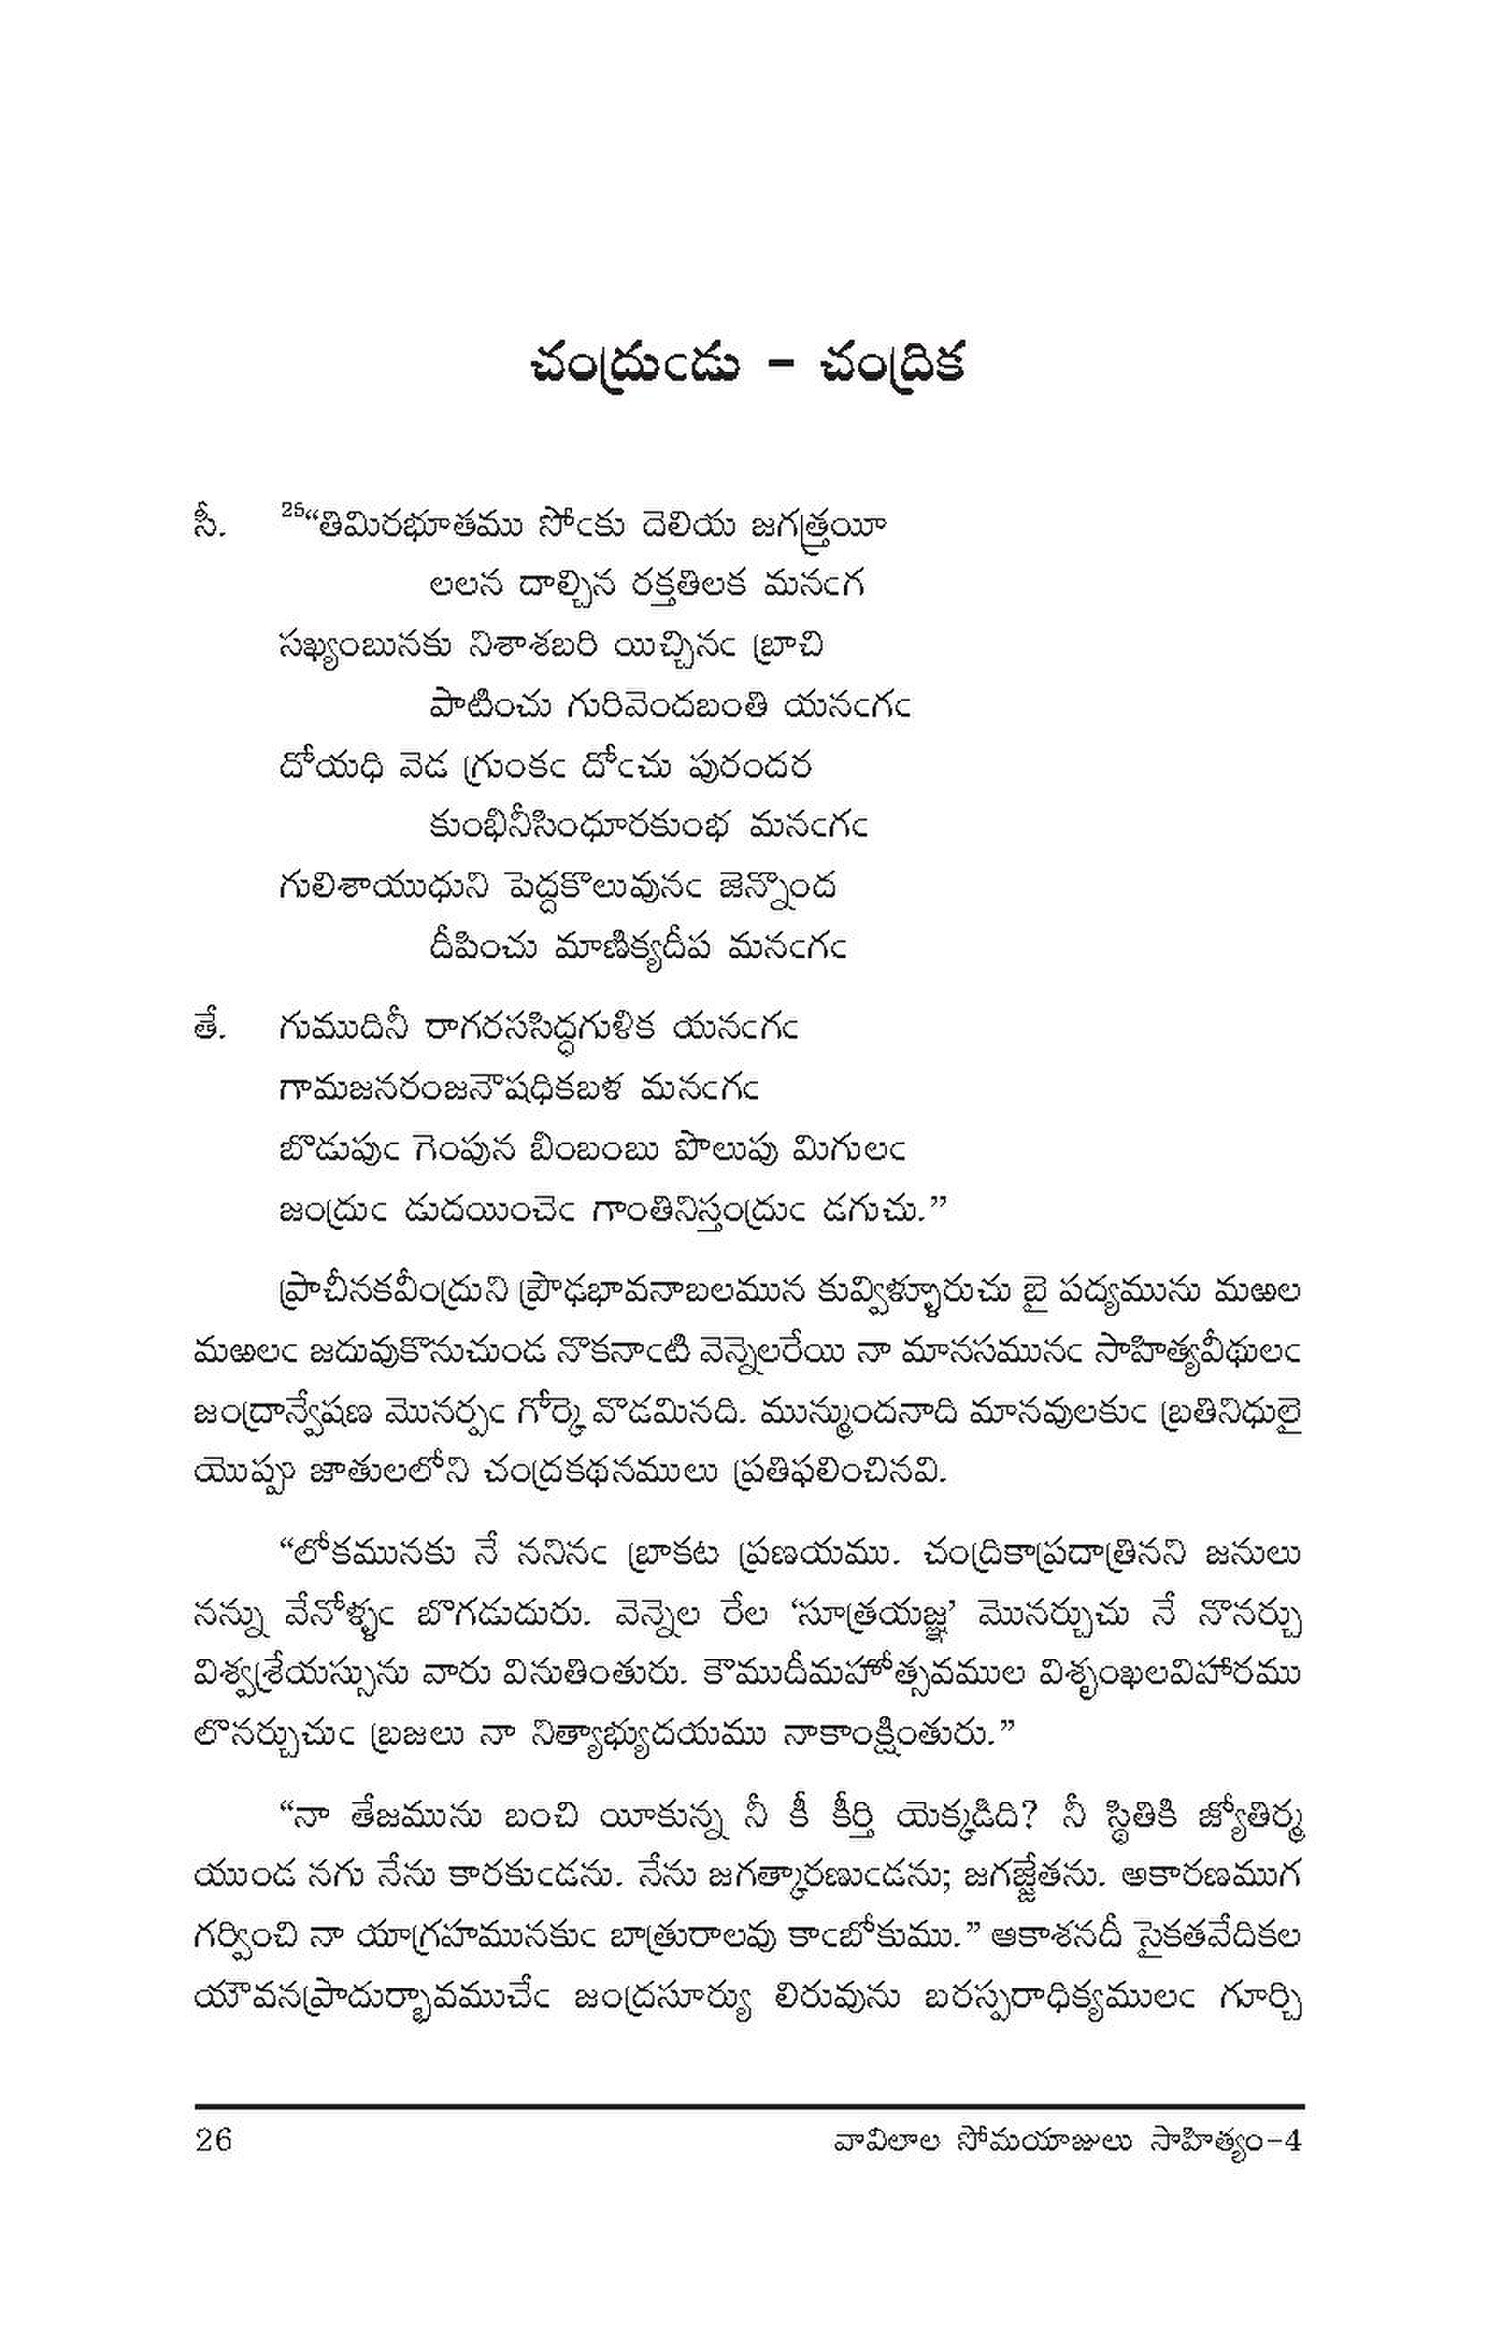సీ. "తిమిరభూతము సోఁకు దెలియ జగత్త్రయీ
 లలన దాల్చిన రక్తతిలక మనఁగ
 సఖ్యంబునకు నిశాశబరి యిచ్చినఁ బ్రాచి
 పాటించు గురివెందబంతి యనఁగఁ
 దోయధి వెడ గ్రుంకఁ దోఁచు పురందర
 కుంభినీసింధూరకుంభ మనఁగఁ
 గులిశాయుధుని పెద్దకొలువునఁ జెన్నొంద
 దీపించు మాణిక్యదీప మనఁగఁ

తే. గుముదినీ రాగరససిద్ధగుళిక యనఁగఁ
 గామజనరంజనౌషధికబళ మనఁగఁ
 బొడుపుఁ గెంపున బింబంబు పొలుపు మిగులఁ
 జంద్రుఁ డుదయించెఁ గాంతినిస్తంద్రుఁ డగుచు.”

ప్రాచీనకవీంద్రుని ప్రౌఢభావనాబలమున కువ్విళ్ళూరుచు బై పద్యమును మఱల
మఱలఁ జదువుకొనుచుండ నొకనాఁటి వెన్నెలరేయి నా మానసమునఁ సాహిత్యవీథులఁ
జంద్రాన్వేషణ మొనర్పఁ గోర్కె వొడమినది. మున్ముందనాది మానవులకుఁ బ్రతినిధులై
యొప్పు జాతులలోని చంద్రకథనములు ప్రతిఫలించినవి.

"లోకమునకు నే ననినఁ బ్రాకట ప్రణయము. చంద్రికాప్రదాత్రినని జనులు
నన్ను వేనోళ్ళఁ బొగడుదురు. వెన్నెల రేల 'సూత్రయజ్ఞ' మొనర్చుచు నే నొనర్చు
విశ్వశ్రేయస్సును వారు వినుతింతురు. కౌముదీమహోత్సవముల విశృంఖలవిహారము
లొనర్చుచుఁ బ్రజలు నా నిత్యాభ్యుదయము నాకాంక్షింతురు.”

"నా తేజమును బంచి యీకున్న నీ కీ కీర్తి యెక్కడిది? నీ స్థితికి జ్యోతిర్మ
యుండ నగు నేను కారకుఁడను. నేను జగత్కారణుఁడను; జగజ్జెతను. అకారణముగ
గర్వించి నా యాగ్రహమునకుఁ బాత్రురాలవు కాఁబోకుము.” ఆకాశనదీ సైకతవేదికల
యౌవనప్రాదుర్భావముచేఁ జంద్రసూర్యు లిరువును బరస్పరాధిక్యములఁ గూర్చి